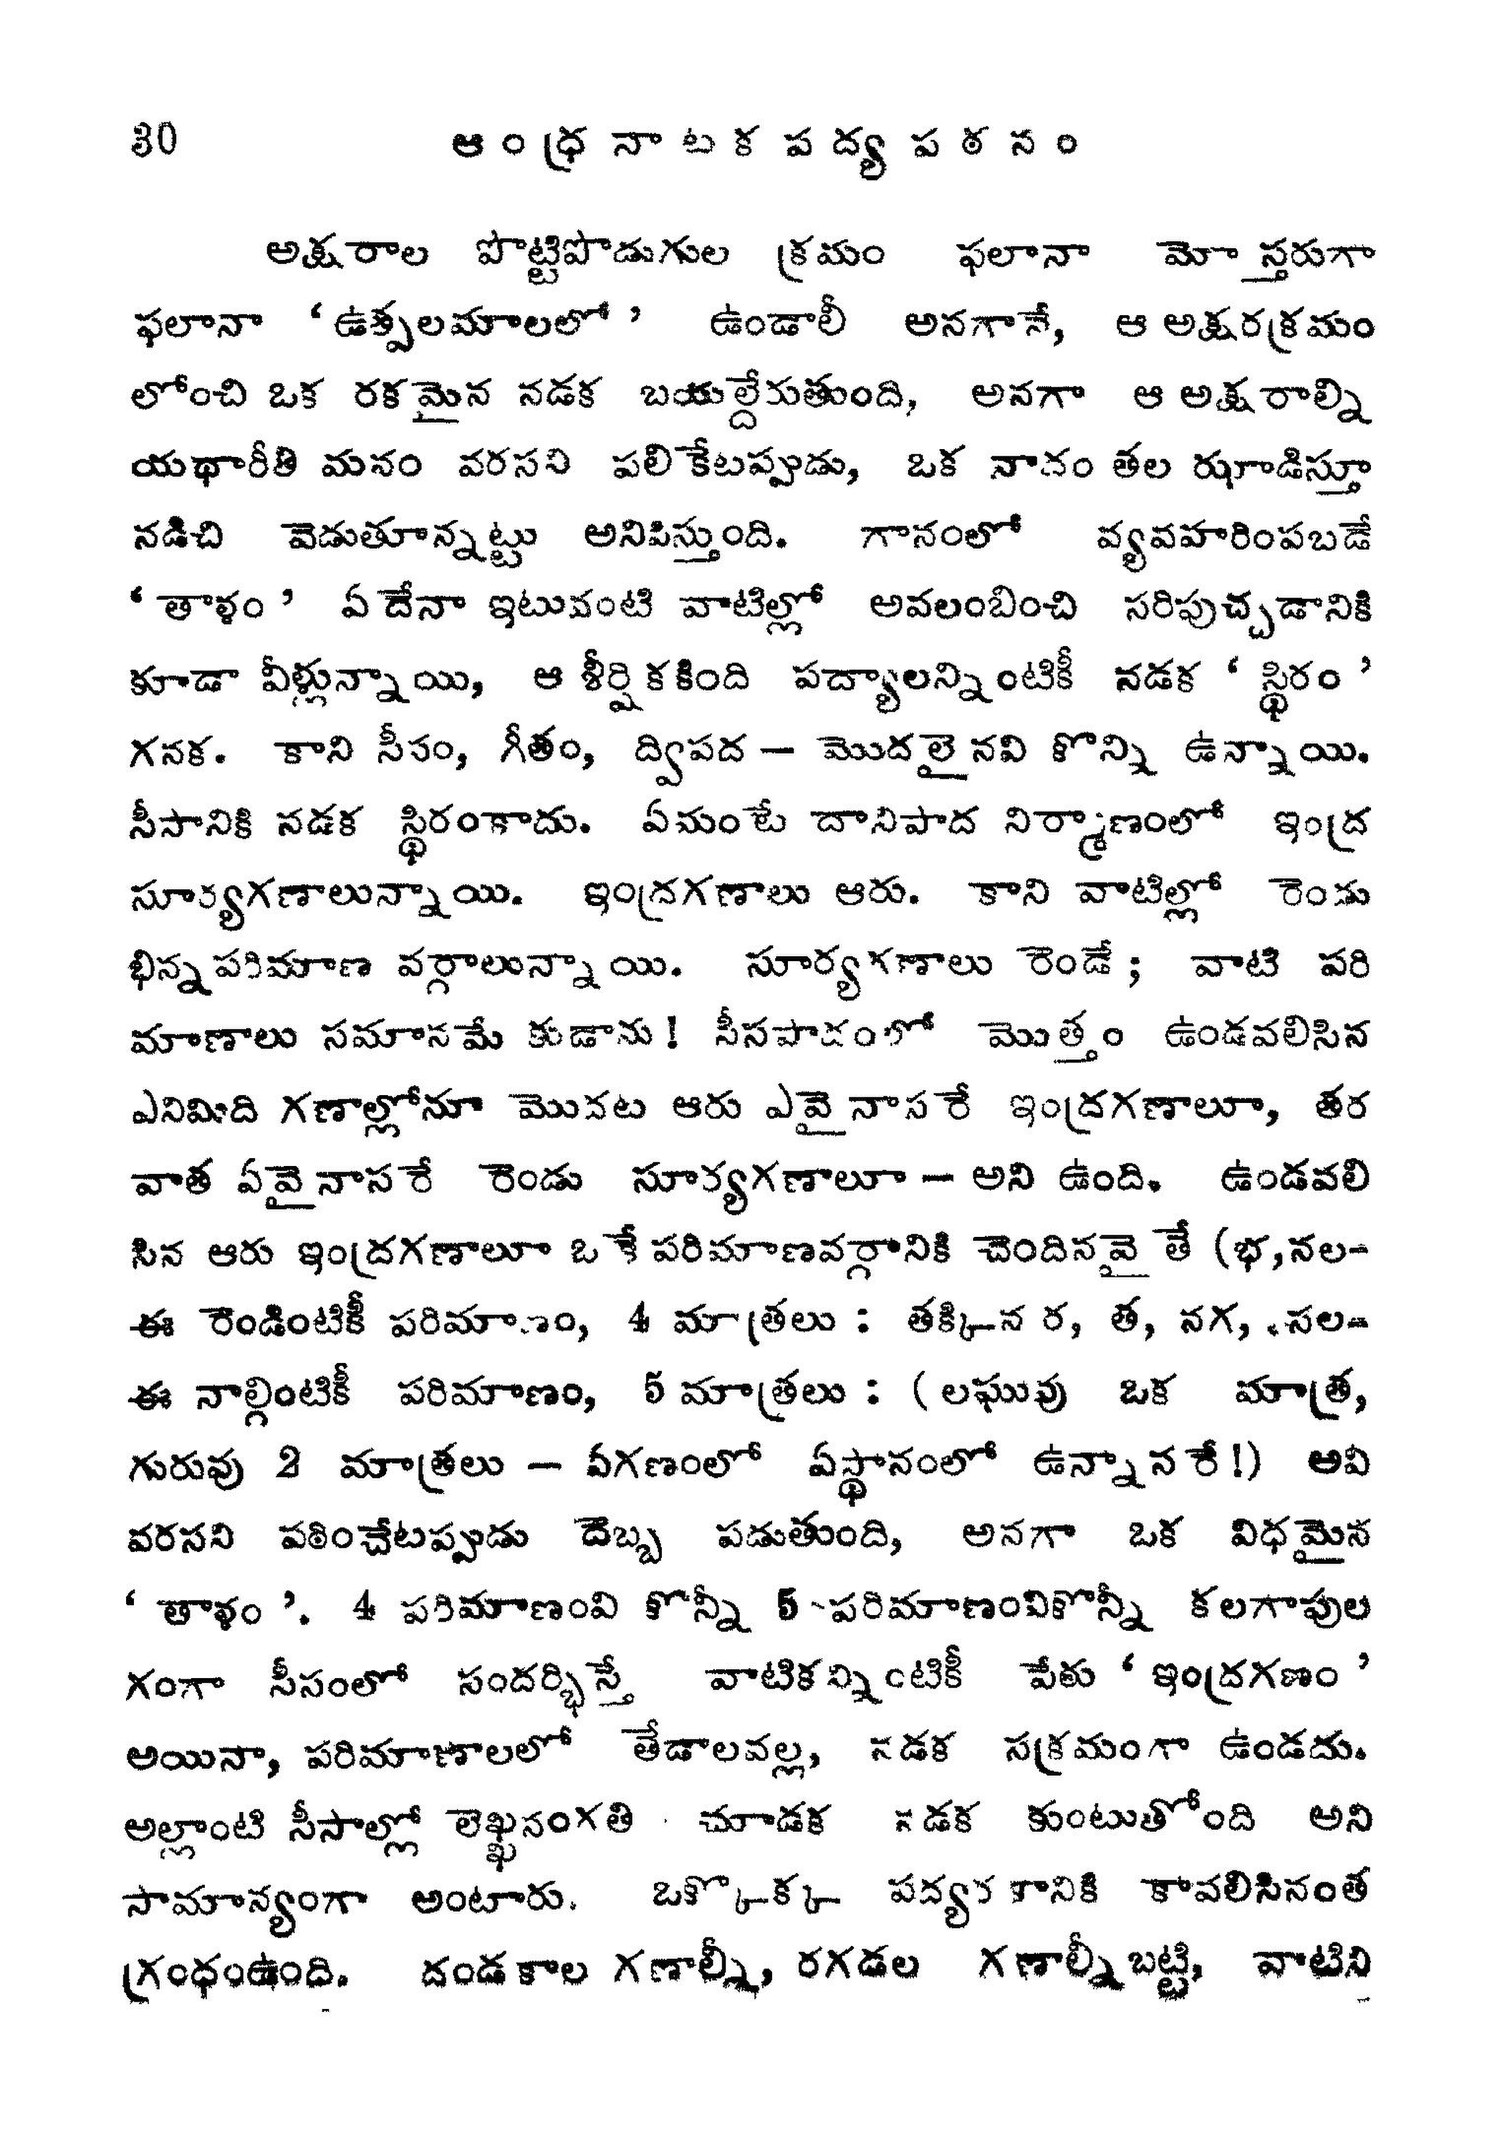అక్షరాల పొట్టిపొడుగుల క్రమం ఫలానా మోస్తరుగా 
ఫలానా 'ఉత్పలమాలలో' ఉండాలీ అనగానే, ఆ అక్షరక్రమం
లోంచి ఒక రకమైన నడక బయల్దేరుతుంది, అనగా ఆ అక్షరాల్ని
యథారీతి మనం వరసని పలికేటప్పుడు, ఒక నాదం తల ఝాడిస్తూ
నడిచి వెడుతూన్నట్టు అనిపిస్తుంది. గానంలో వ్యవహరింపబడే
'తాళం' ఏదేనా ఇటువంటి వాటిల్లో అవలంబించి సరిపుచ్చడానికి
కూడా వీళ్లున్నాయి, ఆ శీర్షికకింది పద్యాలన్నింటికీ నడక 'స్థిరం'
గనక. కాని సీసం, గీతం, ద్విపద - మొదలైనవి కొన్ని ఉన్నాయి.
సీసానికి నడక స్థిరంకాదు. ఏమంటే దానిపాద నిర్మాణంలో ఇంద్ర
సూర్యగణాలున్నాయి. ఇంద్రగణాలు ఆరు. కాని వాటిల్లో రెండు
భిన్నపరిమాణ వర్గాలున్నాయి. సూర్యగణాలు రెండే ; వాటి పరి
మాణాలు సమానమే కుడాను! సీసపాదంలో మొత్తం ఉండవలిసిన
ఎనిమిది గణాల్లోనూ మొదట ఆరు ఎవైనాసరే ఇంద్రగణాలూ, తర
వాత ఏవైనాసరే రెండు సూర్యగణాలూ – అని ఉంది. ఉండవలి
సిన ఆరు ఇంద్రగణాలూ ఒకే పరిమాణవర్గానికి చెందినవైతే (భ, నల-
ఈ రెండింటికీ పరిమాణం, 4 మాత్రలు : తక్కిన ర, త, నగ, సల-
ఈ నాల్గింటికీ పరిమాణం, 5 మాత్రలు : (లఘువు ఒక మాత్ర,
గురువు 2 మాత్రలు - ఏగణంలో ఏస్థానంలో ఉన్నానరే!) అవి
వరసని పఠించేటప్పుడు దెబ్బ పడుతుంది, అనగా ఒక విధమైన
'తాళం' . 4 పరిమాణంవి కొన్నీ 5 పరిమాణంవికొన్నీ కలగాపుల
గంగా సీసంలో సందర్భిస్తే వాటికన్నింటికీ పేరు 'ఇంద్రగణం'
అయినా, పరిమాణాలలో తేడాలవల్ల, నడక సక్రమంగా ఉండదు.
అల్లాంటి సీసాల్లో లెఖ్ఖసంగతి చూడక నడక కుంటుతోంది అని
సామాన్యంగా అంటారు. ఒక్కొక్క పద్యరకానికి కావలిసినంత
గ్రంధంఉంది. దండకాల గణాల్నీ, రగడల గణాల్నీబట్టి, వాటిని